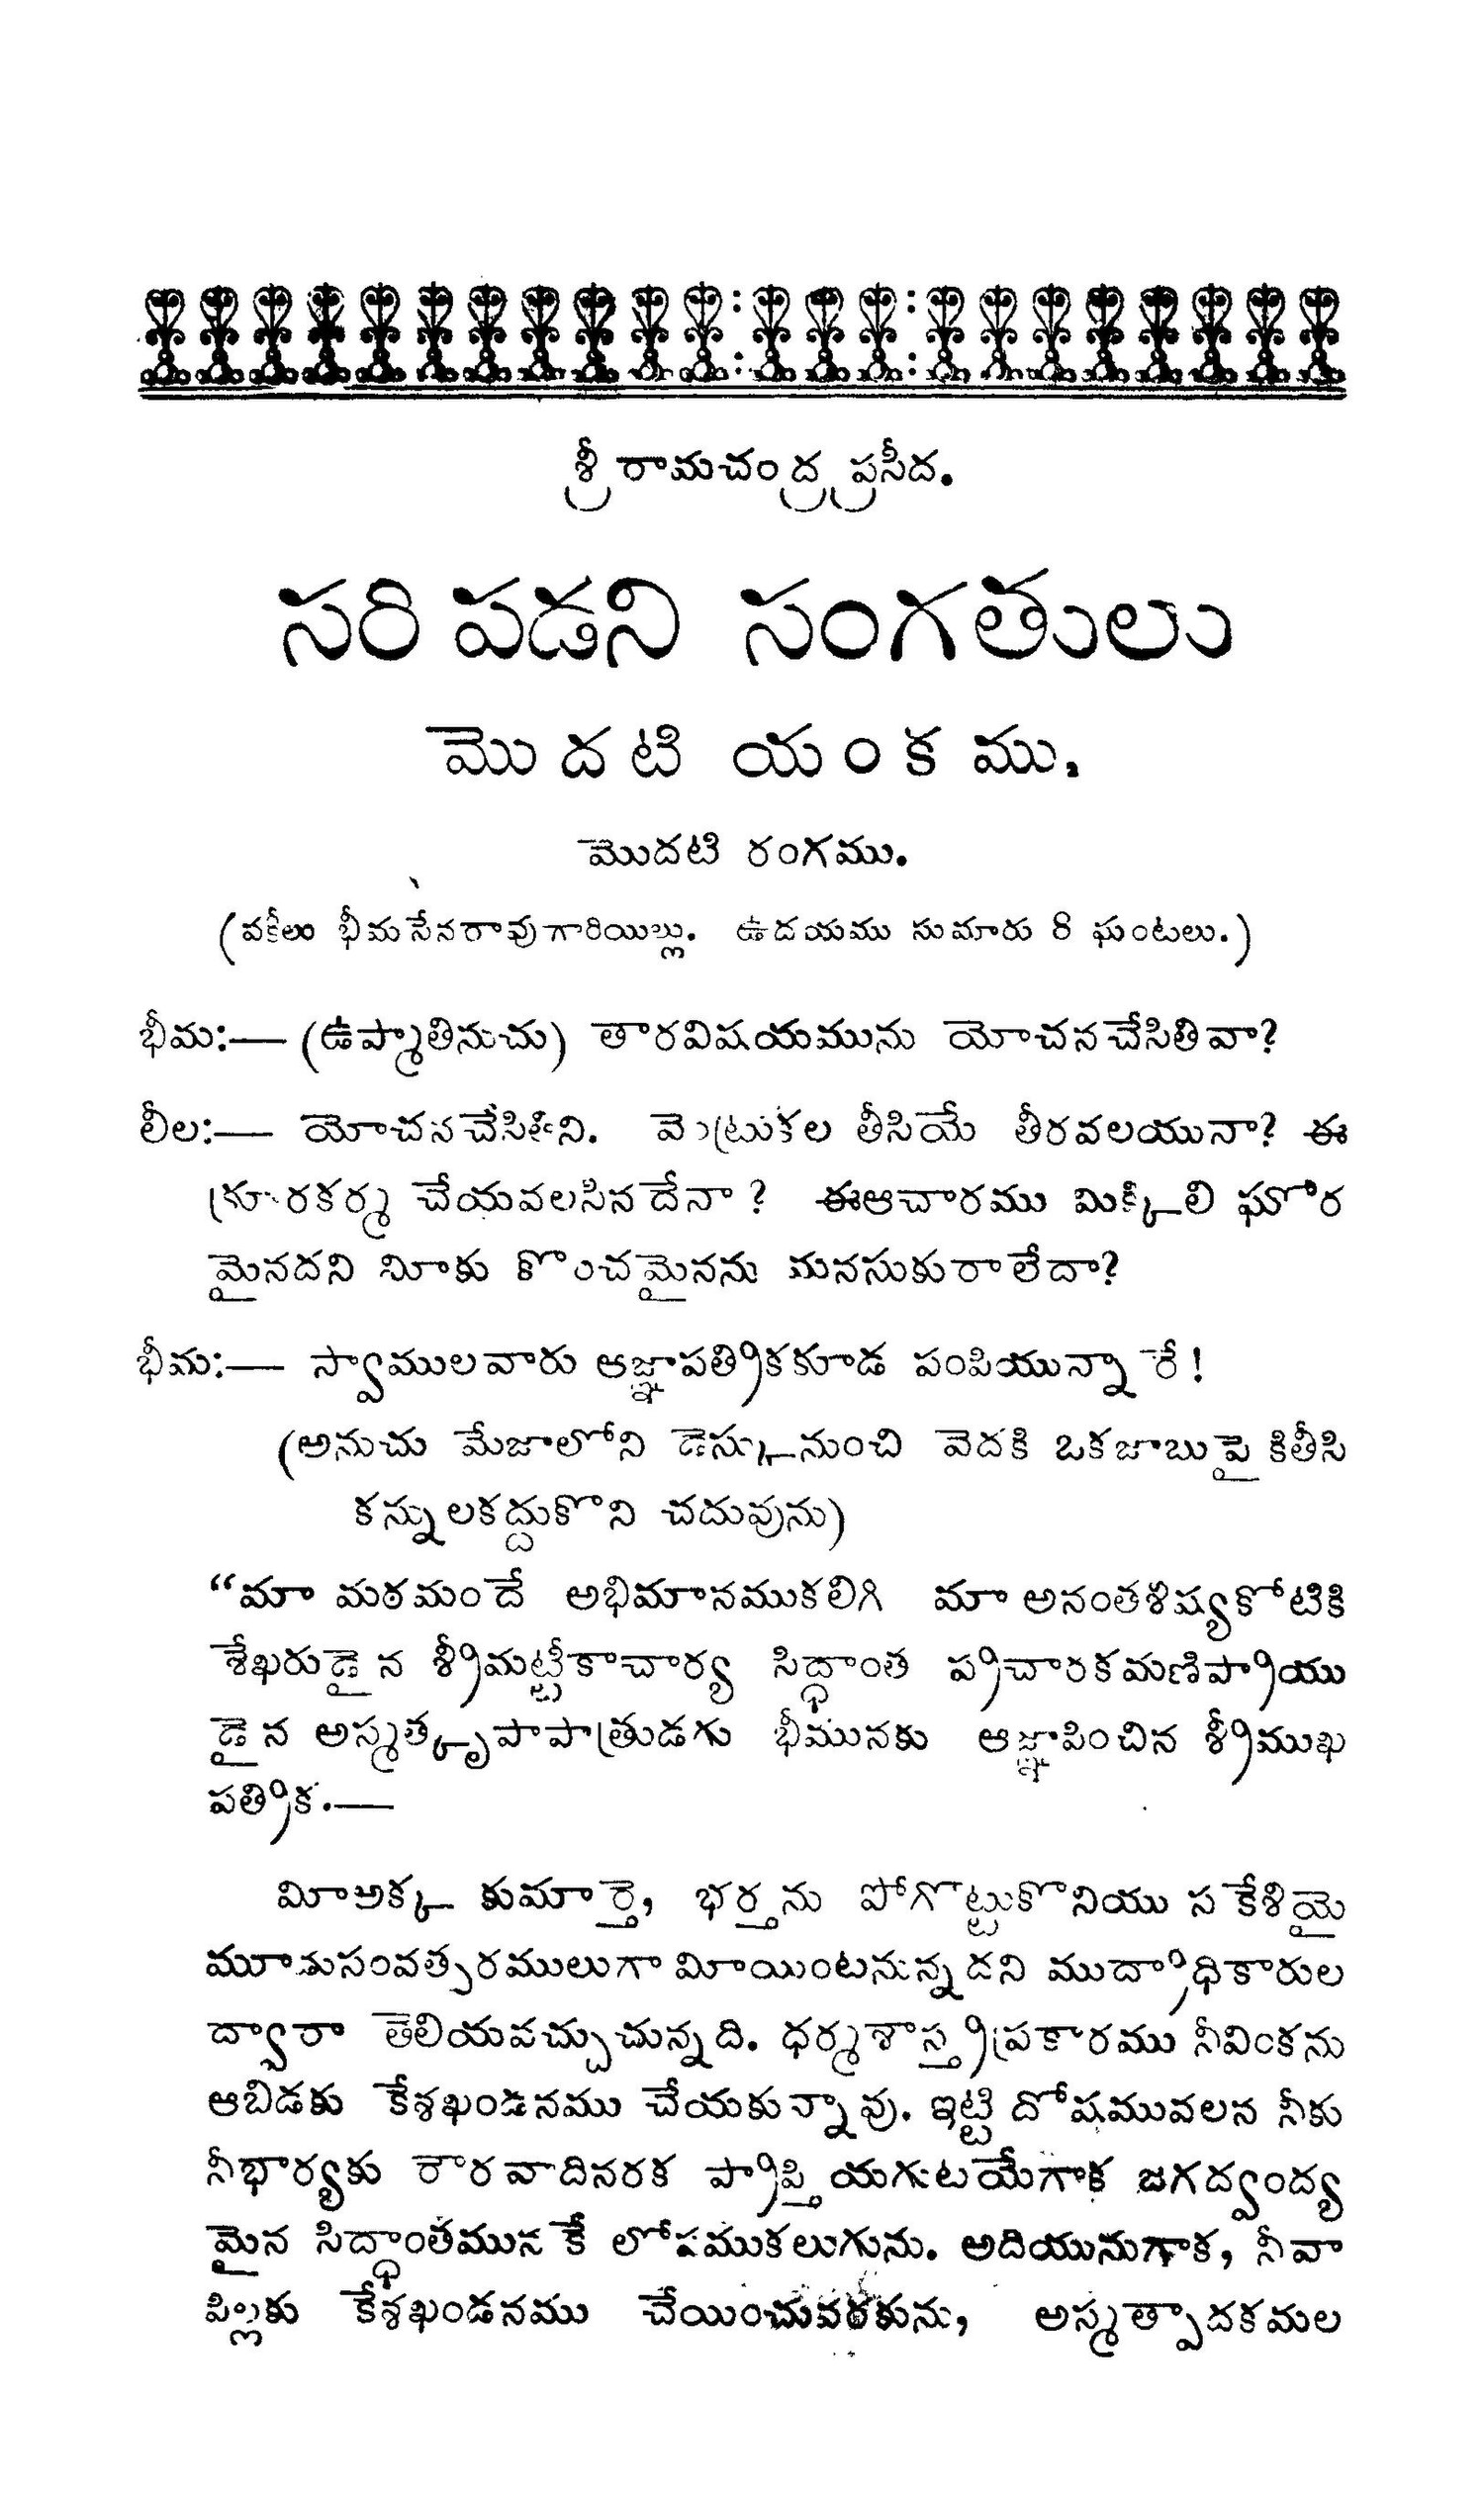(వకీలు భీమసేనరావుగారియిల్లు. ఉదయము సుమారు 8 ఘంటలు.)

భీమ:--(ఉప్మాతినుచు) తారవిషయమును యోచనచేసితివా?

లీల:-- యోచనచేసితిని. వెంట్రుకల తీసియే తీరవలయునా? ఈ క్రూరకర్మ 
చేయవలసినదేనా? ఈఆచారము మిక్కిలి ఘోరమైనదని మీకు కొంచమైనను 
మనసుకు రాలేదా?

భీమ:--స్వాములవారు ఆజ్ఞాపత్రికకూడ పంపియున్నారే! (అనుచు మేజాలోని 
డెస్కునుంచి వెదకి ఒక జాబుపైకితీసి కన్నులకద్దుకొని చదువును)

"మా మఠమందే అభిమానముకలిగి మాఅనంతశిష్యకోటికి శేఖరుడైన శ్రీమట్టీ
కాచార్య సిద్ధాంత ప్రచారకమణిప్రాయుడైనాస్మత్కృతపాపాత్ముడగు భీమునకు ఆజ్ఞాపించిన శ్రీముఖ పత్రిక---

మీ అక్క కుమార్తె, భర్తను పోగొట్టుకొనియు సకేళియై మూడుసంవత్సరములుగా మీయింటనున్నదని ముద్రాధికారుల ద్వారాతెలియవచ్చుచున్నది. ధర్మశాస్త్ర
ప్రకారము నీవింకను ఆబిడకు కేశఖండ్నము చేయకున్నావు. ఇట్టిదోషమువలన 
నీకు నీభార్యకు రౌరవాదినరక ప్ర్రాప్తియగుటయేగాకజగద్వంద్యమైన సిద్ధాంతముంకేలోపముకలుగును. అదియునుగాక, నీవాపిల్ల్కు కేశఖండనము చేయించువరకును, ఆస్మత్పాదకమల